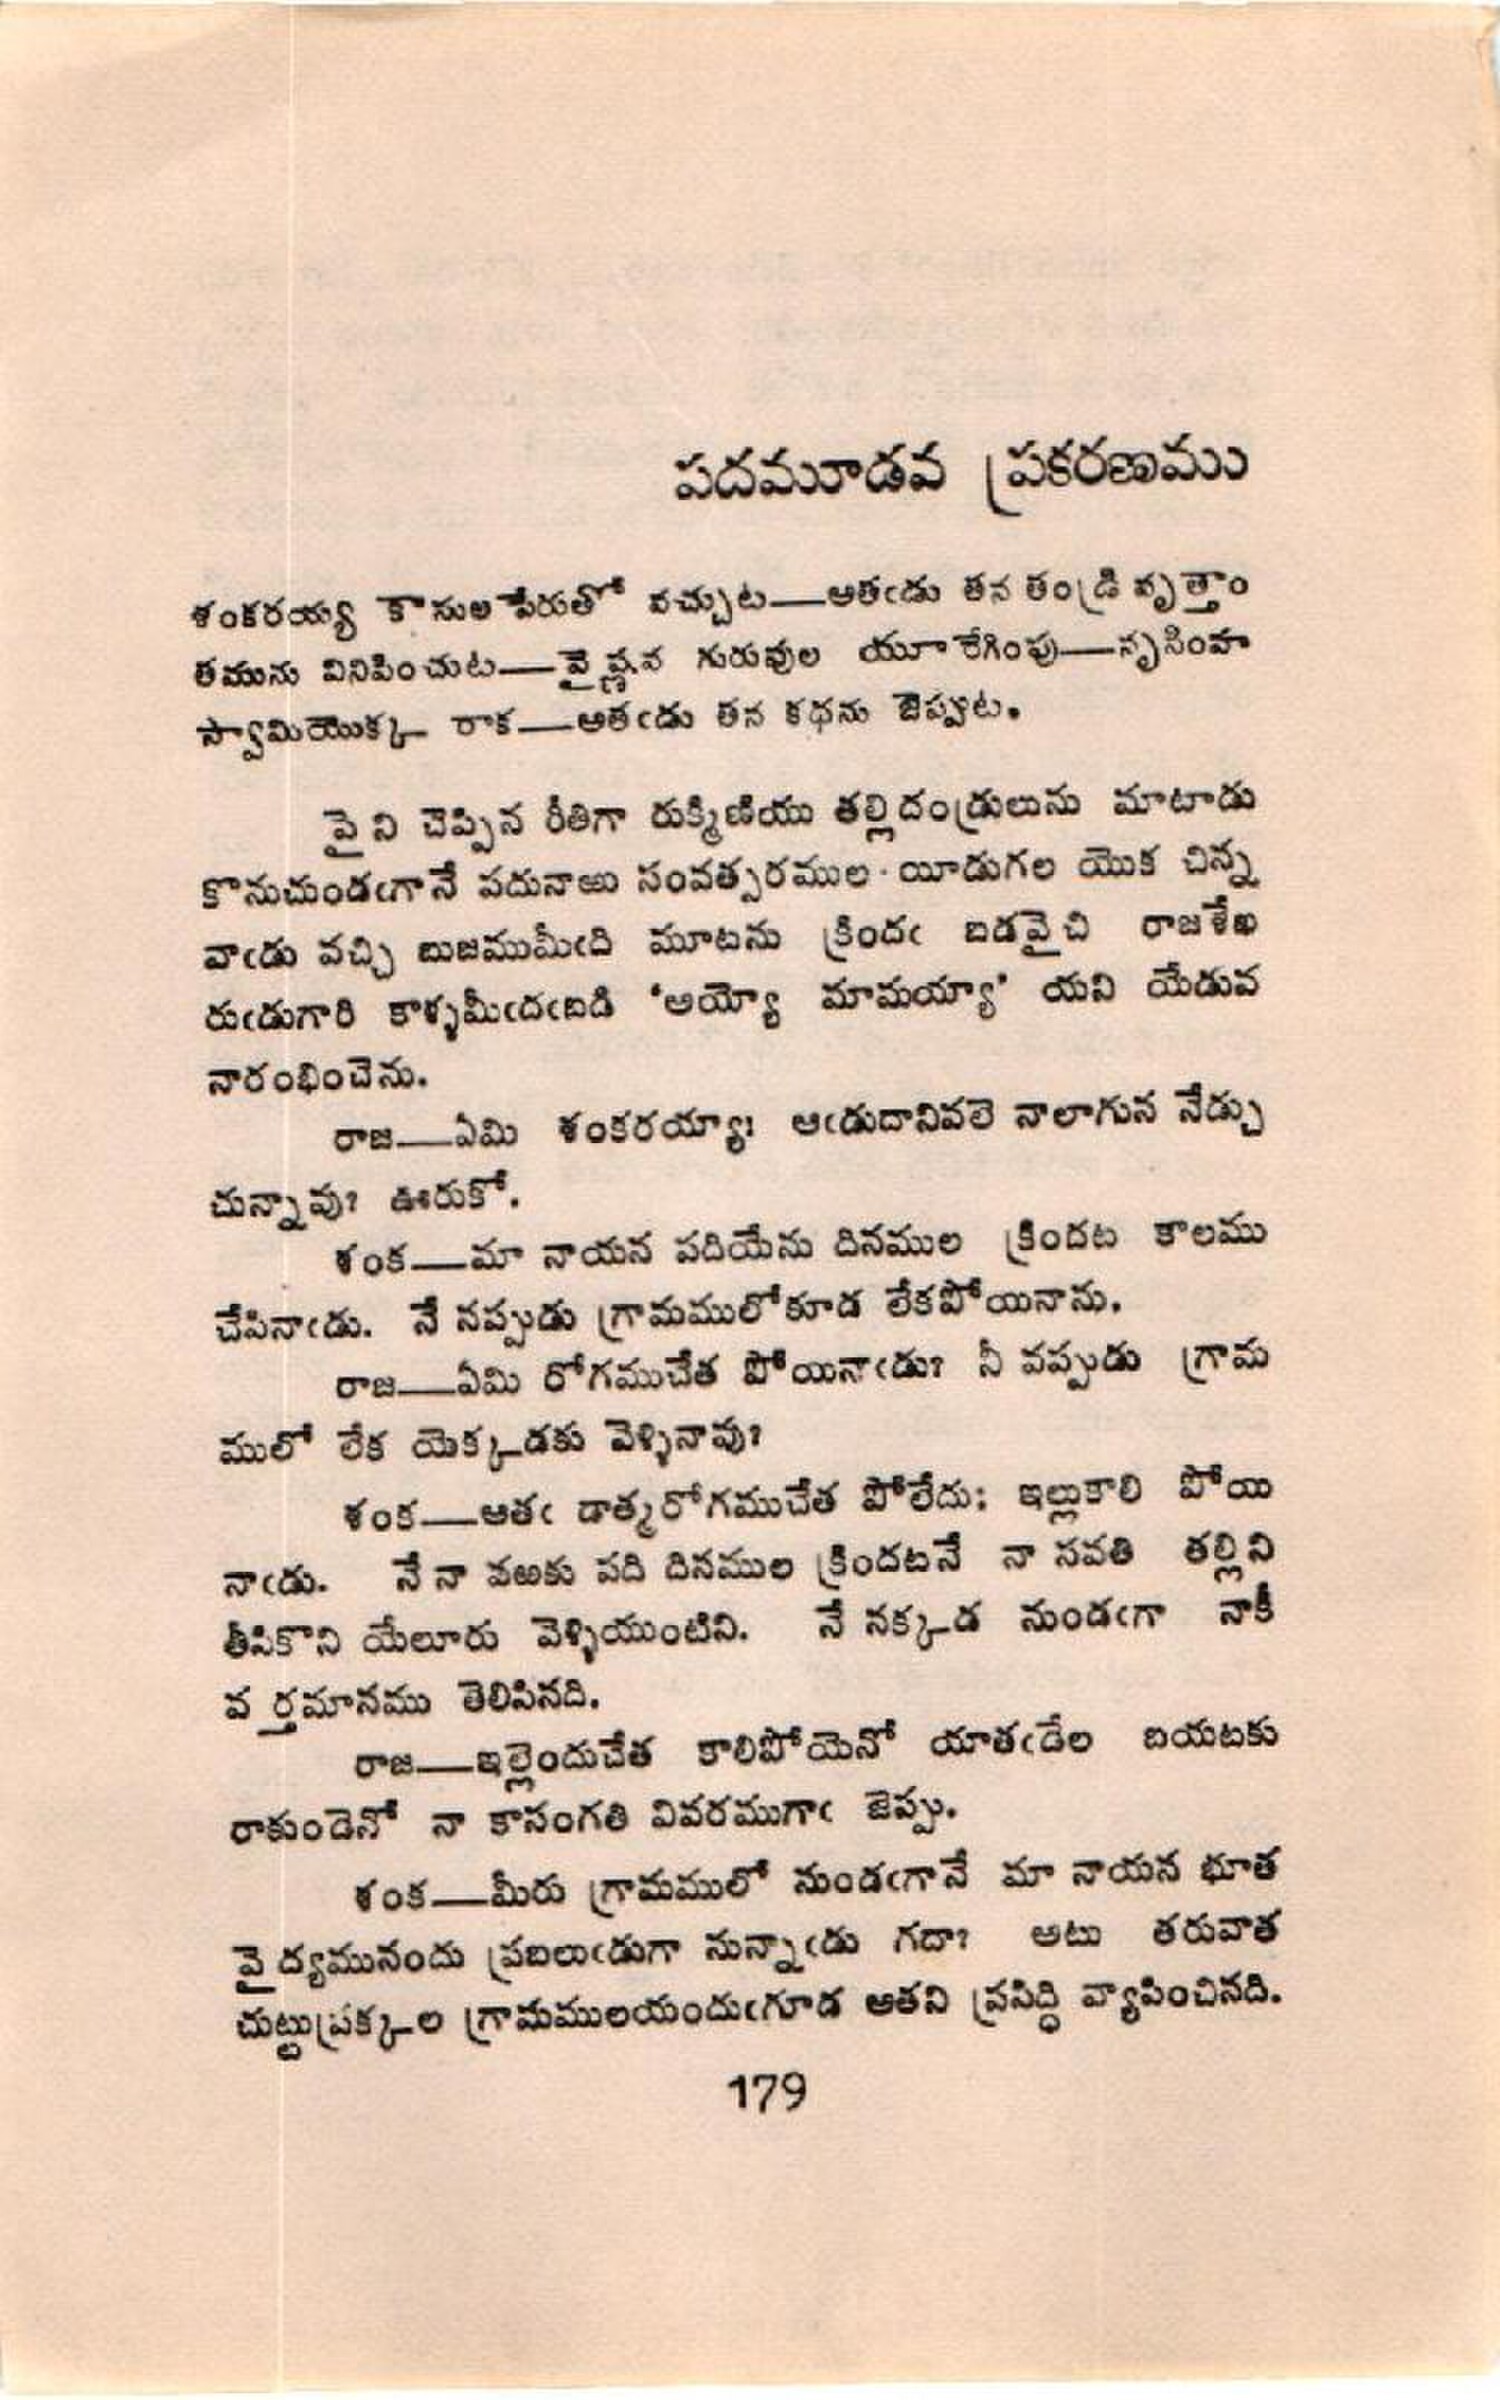పదమూడవ ప్రకరణము

పైని చెప్పిన రీతిగా రుక్మిణియు తల్లిదండ్రులను మాటాడు కొనుచుండగానే పదునాఱు సంవత్సరముల యీడుగల యొక చిన్న వాఁడు వచ్చి బుజముమీఁది మూటను క్రిందఁ బడవైచి రాజశేఖరుఁడు గారి కాళ్ళమీఁదఁబడి 'అయ్యో మామయ్యా' యని యేడువ నారంభించెను.

రాజ__ఏమి శంకరయ్యా ఆఁడుదానివలె నాలాగున నేడ్చు చున్నావు? ఊరుకో.

శంక__మా నాయన పదియేను దినముల క్రిందట కాలము చేసినాఁడు. నేనప్పుడు గ్రామములో కూడ లేకపోయినాను.

రాజ__ఏమి రోగముచేత పోయినాఁడు? నీ వప్పుడు గ్రామములో లేక యెక్కడకు వెళ్ళినావు?

శంక__ఆతఁ డాత్మరోగముచేత పోలేదు; ఇల్లుకాలి పోయి నాఁడు. నేనా వఱకు పది దినముల క్రిందటనే నా సవతి తల్లిని తీసికొని యేలూరు వెళ్ళియుంటిని. నేనక్కడ నుండఁగా నాకీ వర్తమానము తెలిపినది.

రాజ__ఇల్లెందుచేత కాలిపోయెనో యాతడేల బయటకు రాకుండెనో నా కాసంగతి వివరముగాఁ జెప్పు.

శంక__మీరు గ్రామములో నుండఁగానే మా నాయన భూత వైద్యమునందు ప్రబలుఁడుగా నున్నాఁడు గదా? అటు తరువాత చుట్టప్రక్కల గ్రామములయందుఁగూడ అతని ప్రసిద్ధి వ్యాపించినది.